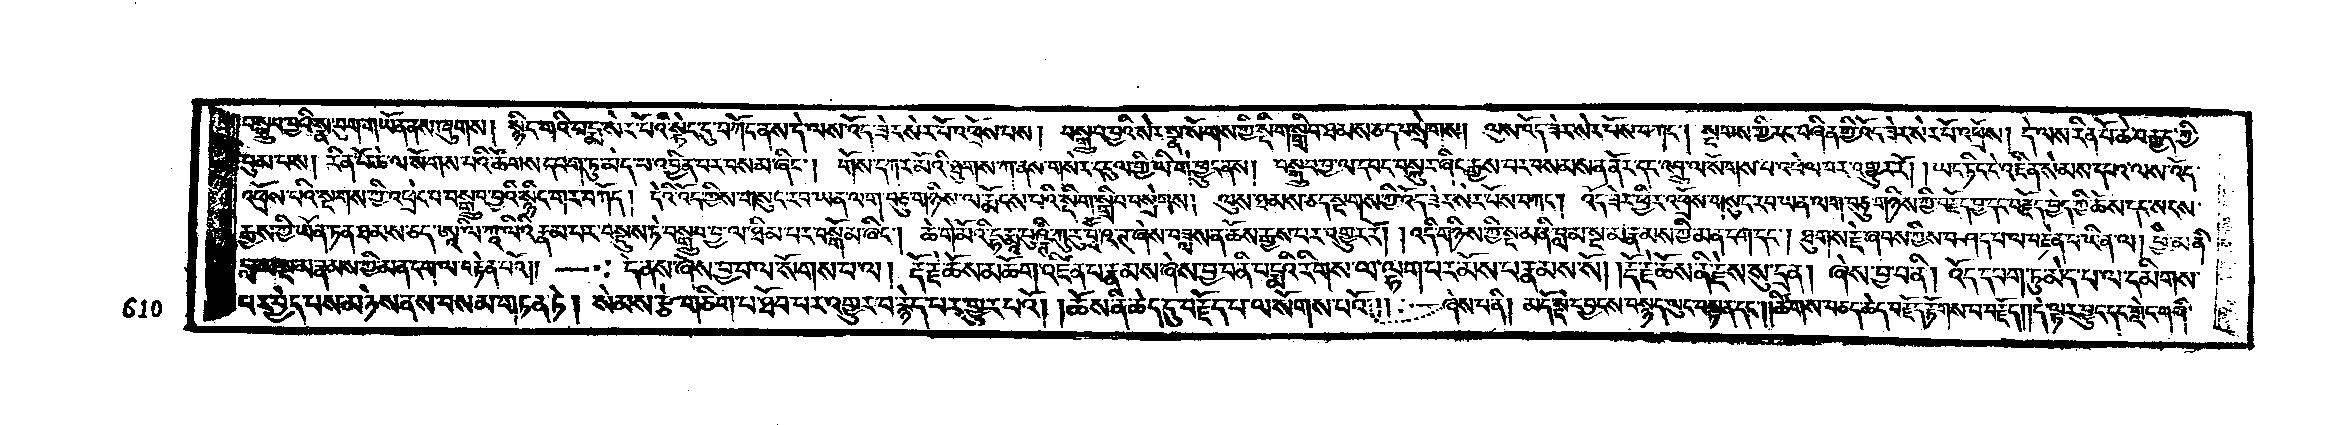བསྒྲུབ་བྱའི་སྣ་བུག་གཡོན་ནས་ཞུགས། སྙིང་གའི་པདམ་སེར་པོའི་སྟེང་དུ་བཀོད་ནས་དེ་ལས་འོད་ཟེར་སེར་པོ་འཕྲོས་པས། བསྒྲུབ་བྱའི་སེར་སྣ་སོགས་ཀྱི་སྡིག་སྒྲིབ་ཐམས་ཅད་བསྲེགས། ལུས་འོད་ཟེར་སེར་པོས་བཀང་། སྔགས་ཀྱི་རང་བཞིན་གྱི་འོད་ཟེར་སེར་པོ་འཕྲོས། དེ་ལས་རིན་པོ་ཆེ་བརྒྱད་ཀྱི་
བུམ་པས། རིན་པོ་ཆེ་ལ་སོགས་པའི་ཚོགས་དཔག་ཏུ་མེད་པ་འབྱིན་པར་བསམ་ཞིང་། གོས་དཀར་མོའི་ཐུགས་ཀ་ནས་གསེར་དངུལ་གྱི་ཡི་གེ་ཕུང་ནས། བསྒྲུབ་བྱ་ལ་དབང་བསྐུར་ཞིང་རྒྱས་པར་བསམས་ན་ནོར་དང་འབྲུ་ལ་སོགས་པ་འཕེལ་བར་འགྱུར་རོ། །ཡང་ཏིང་ངེ་འཛིན་སེམས་དཔའ་ལས་འོད་
འཕྲོས་པའི་སྔགས་ཀྱི་འཕྲེང་བ་བསྒྲུབ་བྱའི་སྙིང་གར་བཀོད། དེའི་འོད་ཀྱིས་གསུང་རབ་ཡན་ལག་བཅུ་གཉིས་ལ་རྨོངས་པའི་སྡིག་སྒྲིབ་བསྲེགས། ལུས་ཐམས་ཅད་སྔགས་ཀྱི་འོད་ཟེར་སེར་པོས་བཀང་། འོད་ཟེར་ཕྱིར་འཕྲོས་གསུང་རབ་ཡན་ལག་བཅུ་གཉིས་ཀྱི་བརྗོད་བྱ་དང་བརྗོད་བྱེད་ཀྱི་ཆོས་དང་སངས་
རྒྱས་ཀྱི་ཡོན་ཏན་ཐམས་ཅད་ཨཱ་ལི་ཀཱ་ལིའི་རྣམ་པར་བསྡུས་ཏེ་བསྒྲུབ་བྱ་ལ་ཐིམ་པར་བསྒོམ་ཞིང་། ཆེ་གེ་མོའི་དྷརྨཱ་པུཥྚིཾ་ཀུ་རུ་བOཨོ་ཥ་ཊ་ཞེས་བཟླས་ན་ཆོས་རྒྱས་པར་འགྱུར་རོ། །འདི་གཉིས་ཀྱི་སྔ་མ་ནི་བླ་མ་སྔ་མ་རྣམས་ཀྱི་མན་ངག་དང་། ཐུགས་རྗེ་ཞབས་ཀྱིས་བཤད་པ་ལ་བརྟེན་པ་ཡིན་ལ། ཕྱི་མ་ནི་
བླ་མ་སྔ་མ་རྣམས་ཀྱི་མན་ངག་ལ་བརྟེན་པའོ།། དེ་ནས་ཞེས་བྱ་བ་ལ་སོགས་པ་ལ། རྡོ་རྗེ་ཆོས་མཆོག་འཛིན་པ་རྣམས་ཞེས་བྱ་བ་ནི་པདམའི་རིགས་ལ་ལྷག་པར་མོས་པ་རྣམས་སོ། །རྡོ་རྗེ་ཆོས་ནི་རྗེས་སུ་དྲན། ཞེས་བྱ་བ་ནི། འོད་དཔག་ཏུ་མེད་པ་ལ་དམིགས་
པར་བྱེད་པས་མཉེས་ནས་བསམ་གཏན་ཏེ། སེམས་རྩེ་གཅིག་པ་ཐོབ་པར་འགྱུར་བ་རྙེད་པར་གྱུར་པའོ། །ཆོས་ནི་ཆེད་དུ་བརྗོད་པ་ལ་སོགས་པའོ།། ཞེས་པ་ནི། མདོ་སྡེ་དབྱངས་བསྙད་ལུང་བསྟན་དང་། །ཚིགས་བཅད་ཆེད་བརྗོད་རྟོགས་པ་བརྗོད། །དེ་ལྟར་བྱུང་དང་གླེང་གཞི་